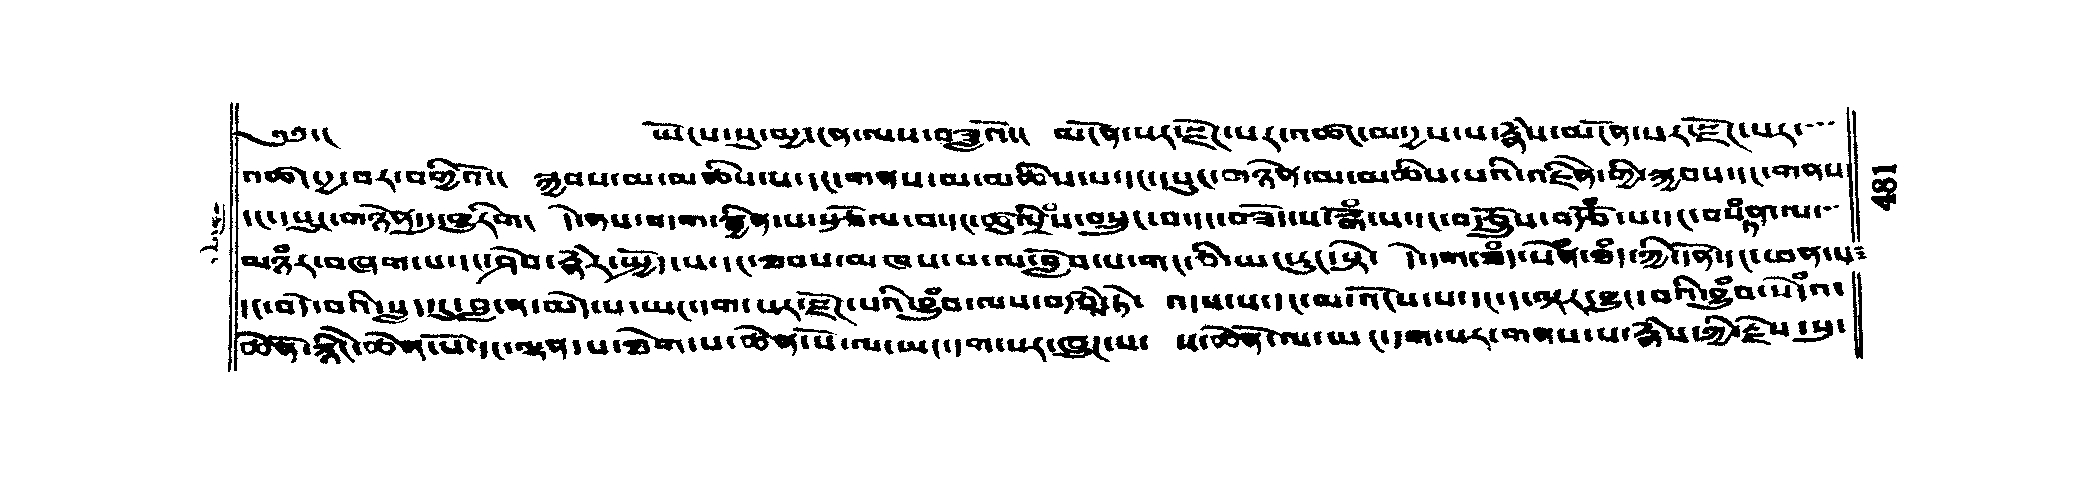ཡོངས་སུ་མྱ་ངན་ལས་བཟླའོ། མངོན་པར་རྫོགས་པར་འཚང་མ་རྒྱས་པ་རྣམས་མངོན་པར་རྫོགས་པར་
འཚང་རྒྱ་བར་བགྱིའོ། སྐྱབས་མ་མཆིས་པ་དང་གནས་མ་མཆིས་པ་དང་དཔུང་གཉེན་མ་མཆིས་པའི་འཇིག་རྟེན་གྱི་སྐྱབས་དང་གནས་
དང་དཔུང་གཉེན་དུ་གྱུར་ཅིག་དེ་ནས་བདག་སྦྱིན་པ་སྩོལ་བ་དང་ཚུལ་ཁྲིམས་བསྲུང་བ་དང་བཟོད་པ་བསྒོམ་པ་དང་བརྩོན་འགྲུས་རྩོམ་པ་དང་བསམ་གཏན་ལ་
མཉམ་པར་བཞག་པ་དང་ཤེས་རབ་རྣམ་པར་སྤྱོད་པ་དང་ཐབས་མཁས་པ་ལ་སློབ་པ་གང་ཅི་ཡང་རུང་སྟེ། དེ་དག་ཐམས་ཅད་སེམས་ཅན་ཐམས་ཅད་ཀྱི་དོན་དང་ཕན་པ་
དང་བདེ་བའི་སླད་དུ་བླ་ན་མེད་པ་ཡང་དག་པར་རྫོགས་པའི་བྱང་ཆུབ་ལས་བརྩམས་ཏེ། འདས་དང་མ་འོངས་པ་དང་ད་ལྟར་བྱང་ཆུབ་སེམས་དཔའ་
ཆེན་པོ་སྙིང་རྗེ་ཆེན་པོ་དང་སྡན་པ་ཐེག་པ་ཆེན་པོ་ལ་ཡང་དག་པར་ཞུགས་པ། ས་ཆེན་པོ་ལ་ཡང་དག་པར་གནས་པ་རྣམས་ཀྱི་རྗེས་སུ་